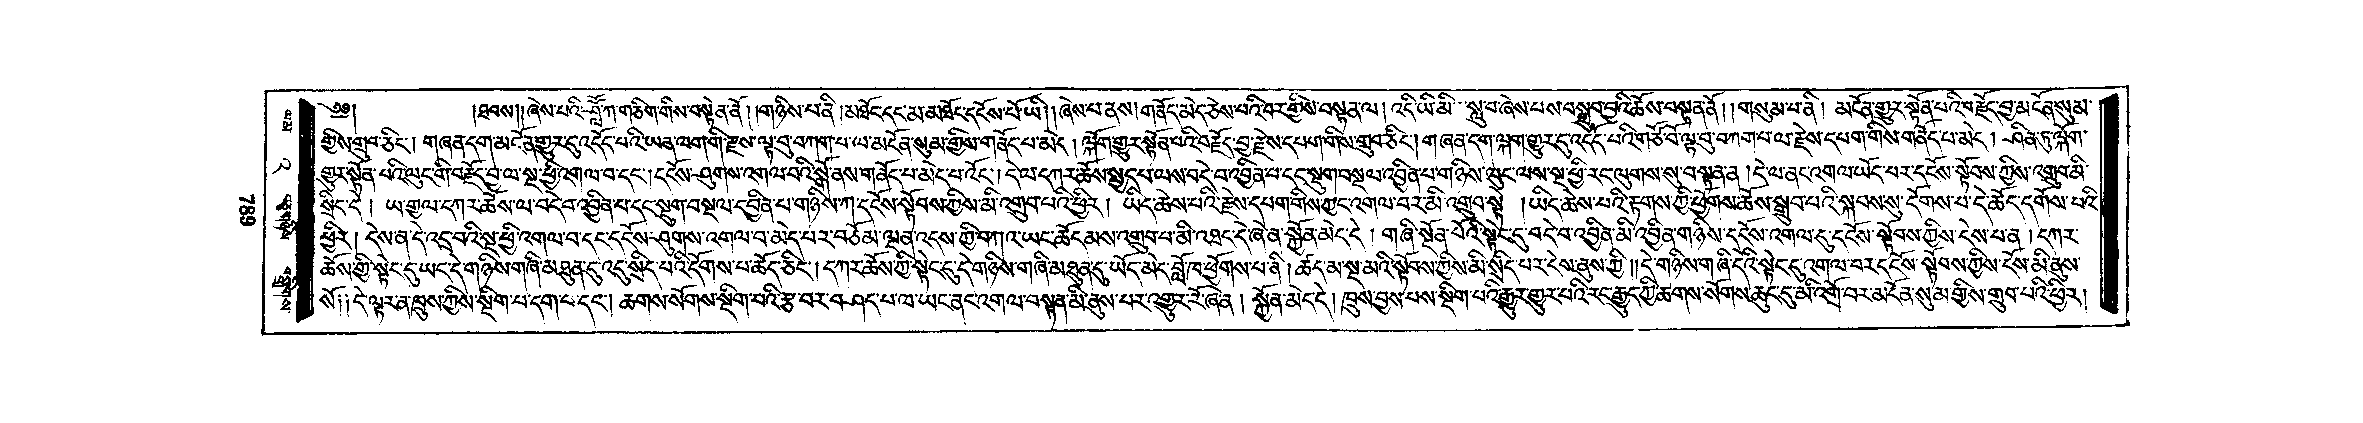༄༅། །ཐབས། །ཞེས་པའི་ཤླཽ་ཀ་གཅིག་གིས་བསྟེན་ནོ། །གཉིས་པ་ནི། མཐོང་དང་མ་མཐོང་དངོས་པོ་ཡི། །ཞེས་པ་ནས། གནོད་མེད་ཅེས་པའི་བར་གྱིས་བསྟན་ལ། འདི་ཡི་མི་སླུ་བ་ཞེས་པས་བསྒྲུབ་བྱའི་ཆོས་བསྟན་ནོ། །གསུམ་པ་ནི། མངོན་གྱུར་སྟོན་པའི་བརྗོད་བྱ་མངོན་སུམ་
གྱིས་གྲུབ་ཅིང་། གཞན་དག་མངོན་གྱུར་དུ་འདོད་པའི་ཡན་ལག་གི་རྫས་ལྟ་བུ་བཀག་པ་ལ་མངོན་སུམ་གྱིས་གནོད་པ་མེད། ལྐོག་གྱུར་སྟོན་པའི་བརྗོད་བྱ་རྗེས་དཔག་གིས་གྲུབ་ཅིང་། གཞན་དག་ལྐག་གྱུར་དུ་འདོད་པའི་གཙོ་བོ་ལྟ་བུ་བཀག་པ་ལ་རྗེས་དཔག་གིས་གནོད་པ་མེད། ཤིན་ཏུ་ལྐོག་
གྱུར་སྟོན་པའི་ལུང་གི་བརྗོད་བྱ་ལ་སྔ་ཕྱི་འགལ་བ་དང་། དངོས་ཤུགས་འགལ་བའི་སྒོ་ནས་གནོད་པ་མེད་པ་འོང་། དེ་ལ་དཀར་ཆོས་སྤྱད་པ་ལས་བདེ་བ་འབྱིན་པ་དང་སྡུག་བསྔལ་འབྱིན་པ་གཉིས་ལུང་ལས་སྔ་ཕྱི་རང་ལུགས་སུ་བསྟན་ན། དེ་ལ་ནང་འགལ་ཡོད་པར་དངོས་སྟོབས་ཀྱིས་འགྲུབ་མི་
སྲིད་དེ། ཡ་གྱལ་དཀར་ཆོས་ལ་བདེ་བ་འབྱིན་པ་དང་སྡུག་བསྔལ་དབྱིན་པ་གཉིས་ཀ་དངོས་སྟོབས་ཀྱིས་མི་འགྲུབ་པའི་ཕྱིར། ཡིད་ཆེས་པའི་རྗེས་དཔག་གིས་ཀྱང་འགལ་བར་མི་འགྲུབ་སྟེ། ཡིད་ཆེས་པའི་རྟགས་ཀྱི་ཕྱོགས་ཆོས་སྒྲུབ་པའི་སྐབས་སུ་དོགས་པ་དེ་ཆོད་དགོས་པའི་
ཕྱིར། དེས་ན་དེ་འདྲ་བའི་སྔ་ཕྱི་འགལ་བ་དང་དངོས་ཤུགས་འགལ་བ་མེད་པར་བཅོམ་ལྡན་འདས་ཀྱི་བཀའ་ཡང་ཆོད་མས་འགྲུབ་པ་མི་འཐད་དེ་ཞེ་ན་སྐྱོན་མེད་དེ། གཞི་སྔོན་པོའི་སྟེང་དུ་བདེ་བ་འབྱིན་མི་འབྱིན་གཉིས་དངོས་འགལ་དུ་དངོས་སྟོབས་ཀྱིས་ངེས་པ་ན། དཀར་
ཆོས་གྱི་སྟེང་དུ་ཡང་དེ་གཉིས་གཞི་མཐུན་དུ་འདུ་སྲིད་པའི་དོགས་པ་ཆོད་ཅིང་། དཀར་ཆོས་ཀྱི་སྟེང་དུ་དེ་གཉིས་གཞི་མཐུན་དུ་ཡོད་མེད་བློ་ཁ་ཕྱོགས་པ་ནི། ཚད་མ་སྔ་མའི་སྟོབས་ཀྱིས་མི་སྲིད་པར་ངེས་ནུས་ཀྱི། །དེ་གཉིས་གཞི་དེའི་སྟེང་དུ་འགལ་བར་དངོས་སྟོབས་ཀྱིས་ངོས་མི་ནུས་
སོ། །དེ་ལྟར་ན་ཁྲུས་ཀྱིས་སྡིག་པ་དག་པ་དང་། ཆགས་སོགས་སྡིག་པའི་རྩ་བར་བཤད་པ་ལ་ཡང་ན་འགལ་བསྟན་མི་ནུས་པར་འགྱུར་རོ་ཞེ་ན། སྐྱོན་མེད་དེ། ཁྲུས་བྱས་པས་སྡིག་པའི་རྒྱུར་གྱུར་པའི་རང་རྒྱུད་ཀྱི་ཆགས་སོགས་ཆུང་དུ་མི་འགྲོ་བར་མངོན་སུམ་གྱིས་གྲུབ་པའི་ཕྱིར།